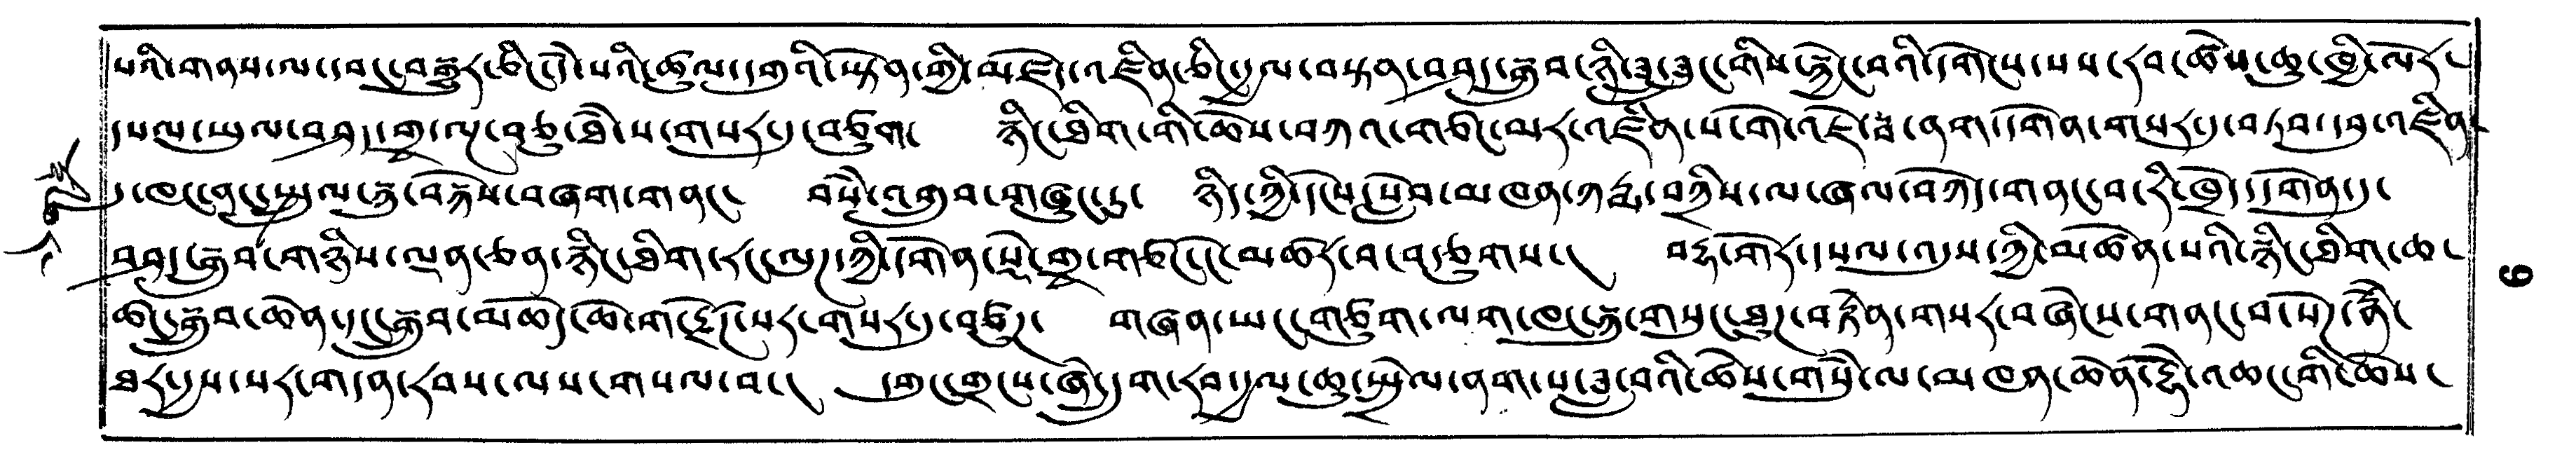པའི་གནས་ལ་དབང་བསྒྱུར། དམ་པའི་ཚུལ་དགུའི་ཡོན་ཏན་གྱི་མཛོད་འཛིན་ཅིང་རྒྱལ་བསྟན་བཤད་སྒྲུབ་ཉི་ཟླ་ཟུང་གིས་སྐྱོང་བའི་དགོངས་པས་རབ་ཚེས་ཆུ་ཁྱི་ལོར་
དཔལ་ཡུལ་བཤད་གྲྭ་ལྔ་བཅུ་ཐམ་པ་གསར་དུ་བཙུགས། སྙིང་ཐིག་གི་ཆོས་བཀའ་གཙང་མར་འཛིན་པ་གོ་འཇོ་སྦྲ་ནག་དགོན་གསར་དུ་བཏབ། དབུ་འཛིན་
དུ་ཁང་ནང་སྤྲུལ་སྐུ་བསྐོ་བཞག་གནང་། བསམ་འགྲུབ་གཞུང་དུ་ཉིད་ཀྱི་དངོས་སློབ་མཁན་ཀརྨ་བཀྲ་ཤིས་ལ་ཞལ་བཀོད་གནང་བར་རི་ཁྲོད་དགོན་དུ་
བཤད་སྒྲུབ་གཉིས་ལྡན་ཅན་སྙིང་ཐིག་རང་ལུགས་ཀྱི་དགོན་སྡེ་གྲྭ་ཚང་ངོ་མཚར་བ་བཙུགས། བརྡ་གོར་དཔལ་འདུས་ཀྱིས་མཚོན་པའི་སྙིང་ཐིག་ཆ་
ཚང་སྒྲུབ་ཆེན་དང་སྒྲུབ་མཆོད་ཆོ་ག་རྫོགས་པར་གསར་དུ་བཙུགས། གཞན་ཡང་གཙུག་ལག་ཁང་སྐུ་གསུང་ཐུགས་རྟེན་དང་བཅས་པ་གསར་བཞེངས་གནང་བ་སོགས་རྣམ་
ཐར་རྒྱས་པ་གདན་རབས་ལས་གསལ། དགུང་གྲངས་ཞེ་དྲུག་རབ་རྒྱལ་ཆུ་སྤྲེལ་ནག་པ་ཟླ་བའི་ཚེས་གསུམ་ལ་མཁན་ཆེན་རྡོ་རྗེ་འཆང་གི་ཆོས་